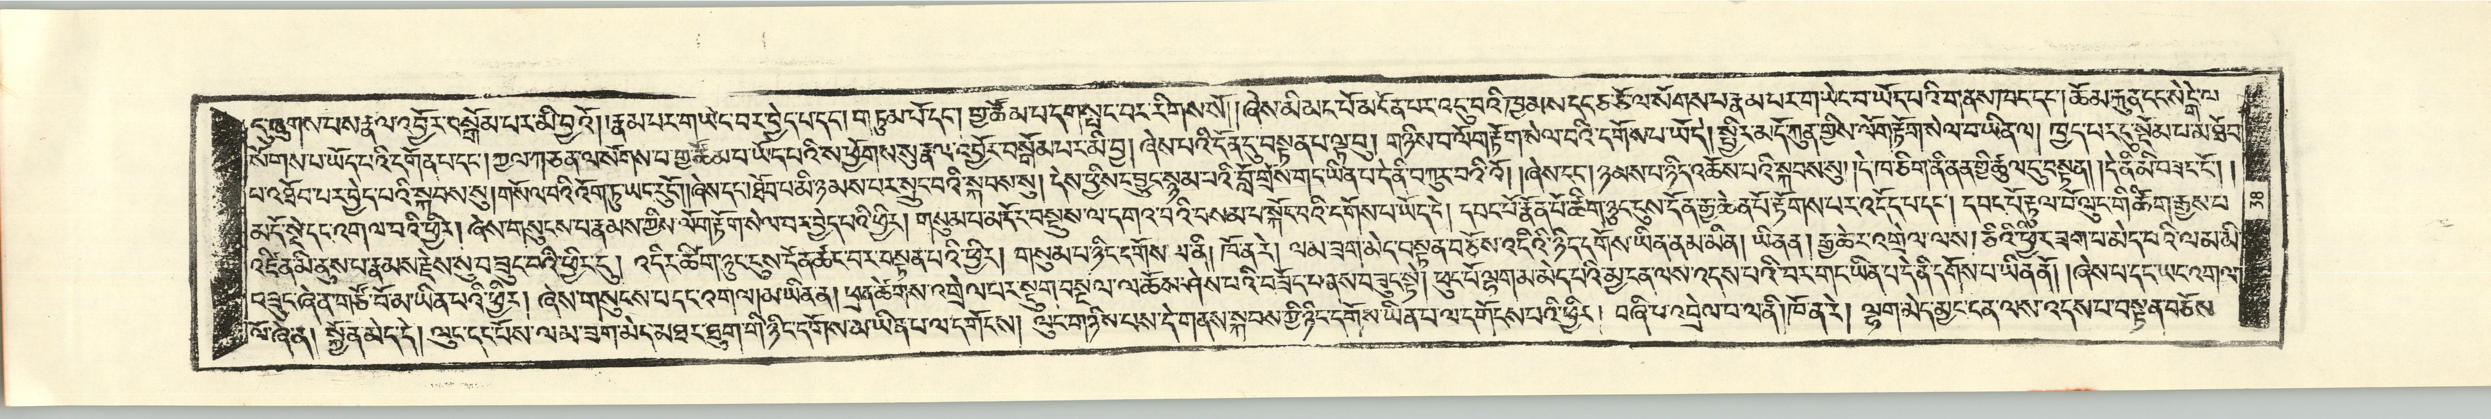དུ་ཞུགས་པས་རྣལ་འབྱོར་བསྒོམ་པར་མི་བྱའོ། །རྣམ་པར་གཡེང་བར་བྱེད་པ་དང་། གཏུམ་པོ་དང་། གྱ་ཚོམ་པ་དག་སྤང་བར་རིགས་སོ། །ཞེས་མི་མང་པོ་མངོན་པར་འདུ་བའི་ཁྱམས་དང་ཅ་ཅོ་ལ་སོགས་པ་རྣམ་པར་གཡེང་བ་ཡོད་པའི་གནས་ཁང་དང་། ཆོམ་རྐུན་དང་སེངྒེ་ལ་
སོགས་པ་ཡོད་པའི་དགོན་པ་དང་། ཀྱལ་ཀ་ཅན་ལ་སོགས་པ་གྱ་ཚོམ་པ་ཡོད་པའི་ས་ཕྱོགས་སུ་རྣལ་འབྱོར་བསྒོམ་པར་མི་བྱ། ཞེས་པའི་དོན་དུ་བསྟན་པ་ལྟ་བུ། གཉིས་པ་ལོག་རྟོག་སེལ་བའི་དགོས་པ་ཡོད་དེ། སྤྱིར་མདོ་ཀུན་གྱིས་ལོག་རྟོག་སེལ་བ་ཡིན་ལ། ཁྱད་པར་དུ་སྡོམ་པ་མ་ཐོབ་
པ་འཐོབ་པར་བྱེད་པའི་སྐབས་སུ། གསོལ་བའི་འོག་ཏུ་ཡང་རུང་ངོ། །ཞེས་དང་། ཐོབ་པ་མི་ཉམས་པར་སྲུང་བའི་སྐབས་སུ། དེས་ཕྱི་སྣང་བྱུང་སྙམ་པའི་བློ་གྲོས་གང་ཡིན་པ་དེ་ནི་བཀུར་བའི་འོ། །ཞེས་དང་། ཉམས་པ་ཉིད་འཆོས་པའི་སྐབས་སུ། །དེ་ཁ་ཅིག་ནི་ནན་གྱི་ཚུལ་དུ་བསྟན། །དེ་ནི་མི་བཟང་ངོ། །
མདོ་སྡེ་དང་འགལ་བའི་ཕྱིར། ཞེས་གསུངས་པ་རྣམས་ཀྱི་ལོག་རྟོག་སེལ་བར་བྱེད་པའི་ཕྱིར། གསུམ་པ་མདོར་བསྡུས་ལ་དགའ་བའི་བསམ་པ་སྐོང་བའི་དགོས་པ་ཡོད་དེ། དབང་པོ་རྣོན་པོ་ཚིག་ཉུང་དུས་དོན་རྒྱ་ཆེན་པོ་རྟོགས་པར་འདོད་པ་དང་། དབང་པོ་རྟུལ་པོ་ལུང་གི་ཚིག་རྒྱས་པ་
འཛིན་མི་ནུས་པ་རྣམས་རྗེས་སུ་བཟུང་བའི་ཕྱིར་དུ། འདིར་ཚིག་ཉུང་དུས་དོན་ཚང་བར་བསྟན་པའི་ཕྱིར། གསུམ་པ་ཉིད་དགོས་ལ་ནི། ཁོ་ན་རེ། ལམ་ཟག་མེད་བསྟན་བཅོས་འདིའི་ཉིད་དགོས་ཡིན་ནམ་མིན། ཡིན་ན། རྒྱ་ཆེར་འགྲེལ་ལས། ཅིའི་ཕྱིར་ཟག་པ་མེད་པའི་ལམ་མི་
བཟུང་ཞེ་ན་གཙོ་བོ་མ་ཡིན་པའི་ཕྱིར། ཞེས་གསུངས་པ་དང་འགལ། མ་ཡིན་ན། ཕྲན་ཚེགས་འགྲེལ་པར་སྡུག་བསྔལ་ལ་ཆོས་ཤེས་པའི་བཟོད་པ་ནས་བཟུང་སྟེ། ཕུང་པོ་ལྷག་མ་མེད་པའི་མྱ་ངན་ལས་འདས་པའི་བར་གང་ཡིན་པ་དེ་ནི་དགོས་པ་ཡིན་ནོ། །ཞེས་པ་དང་ཡང་འགལ་
ལོ་ཞེ་ན། སྐྱོན་མེད་དེ། ལུང་དང་པོས་ལམ་ཟག་མེད་མཐར་ཐུག་གི་ཉིང་དགོས་མ་ཡིན་པ་ལ་དགོངས། ལུང་གཉིས་པས་དེ་གནས་སྐབས་ཀྱི་ཉིང་དགོས་ཡིན་པ་ལ་དགོངས་པའི་ཕྱིར། བཞི་པ་འབྲེལ་བ་ལ་ནི། ཁོ་ན་རེ། ལྷག་མེད་མྱང་ངན་ལས་འདས་པ་བསྟན་བཅོས་